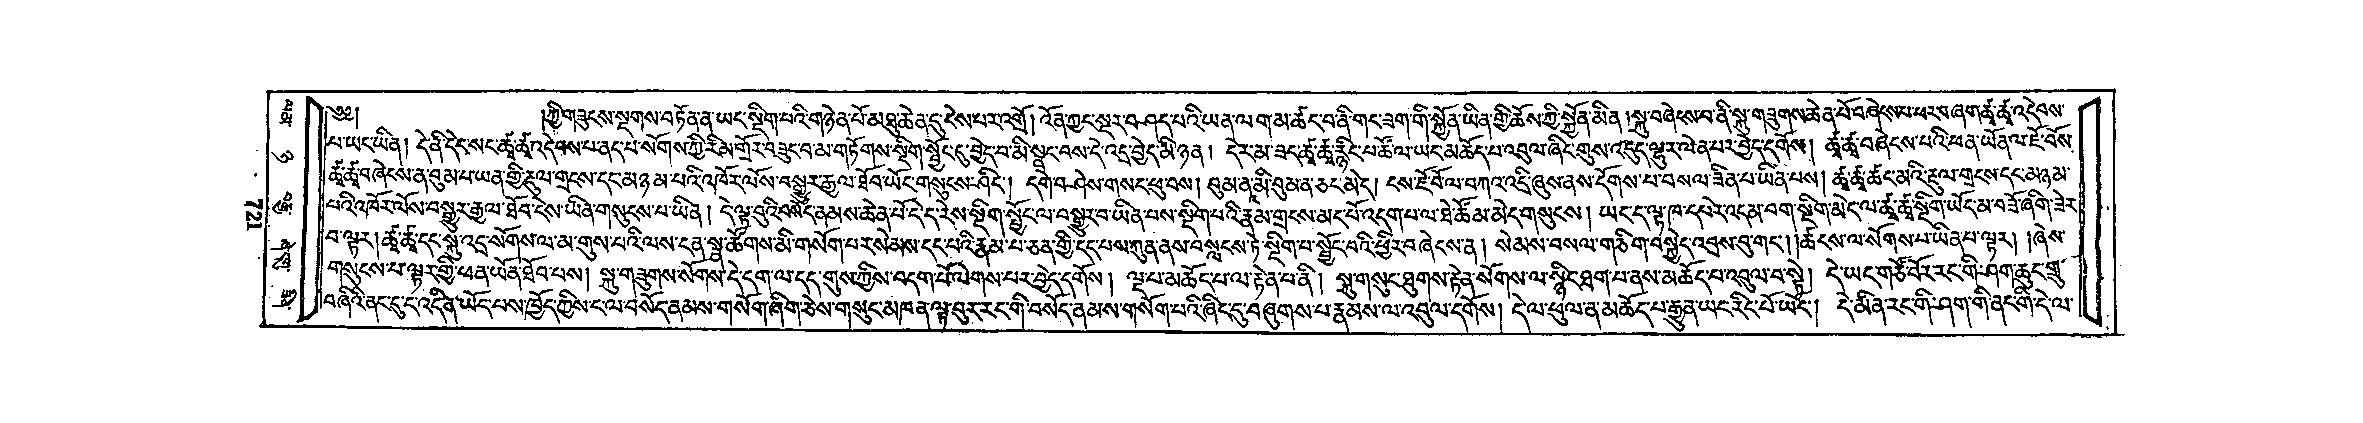༄༅། །ཀྱི་གཟུངས་སྔགས་བཏོན་ན་ཡང་སྡིག་པའི་གཉེན་པོ་མཐུ་ཆེན་དུ་ངེས་པར་འགྲོ་།འོན་ཀྱང་སྔར་བཤད་པའི་ཡན་ལག་མ་ཚང་བ་ནི་གང་ཟག་གི་སྐྱོན་ཡིན་གྱི་ཆོས་ཀྱི་སྐྱོན་མིན། སྐུ་བཞེངས་པ་ནི་སྐུ་གཟུགས་ཆེན་པོ་བཞེངས་པ་ཕར་བཞག་ཚྭ་ཚྭ་འདེབས་
པ་ཡང་ཡིན། དེ་ནི་དེང་སང་ཚྭ་ཚྭ་འདེབས་པ་ནད་པ་སོགས་ཀྱི་རིམ་གྲོར་བཟུང་བ་མ་གཏོགས་སྡིག་སྦྱོང་དུ་བྱེད་པ་མི་སྣང་བས་དེ་འདྲ་བྱེད་མི་ཉན། དེར་མ་ཟད་ཚྭ་ཚྭ་རྙིང་པ་ཚོ་ལ་ཡང་མཆོད་པ་འབུལ་ཞིང་གུས་འདུད་ལྷུར་ལེན་པར་བྱེད་དགོས། ཚྭ་ཚྭ་བཞེངས་པའི་ཕན་ཡོན་ལ་ཇོ་བོས་
ཚྭ་ཚྭ་བཞེངས་ན་བུམ་པ་ཡན་གྱི་རྡུལ་གྲངས་དང་མཉམ་པའི་འཁོར་ལོས་བསྒྱུར་རྒྱལ་ཐོབ་ཡོང་གསུངས་ཤིང་། དགེ་བཤེས་གསང་ཕུ་བས། བུམ་ནཱ་མི་བུམ་ན་ཅང་མེད། ངས་ཇོ་བོ་ལ་བཀའ་འདྲི་ཞུས་ནས་དོགས་པ་བསལ་ཟིན་པ་ཡིན་པས། ཚྭ་ཚྭ་ཚང་མའི་རྡུལ་གྲངས་དང་མཉམ་
པའི་འཁོར་ལོས་བསྒྱུར་རྒྱལ་ཐོབ་ངེས་ཡིན་གསུངས་པ་ཡིན། དེ་ལྟ་བུའི་བསོད་ནམས་ཆེན་པོ་དེ་ད་རེས་སྡིག་སྤྱོང་ལ་བསྒྱུར་བ་ཡིན་པས་སྡིག་པའི་རྣམ་གྲངས་མང་པོ་འདག་པ་ལ་ཐེ་ཚོམ་མེད་གསུངས། ཡང་ད་ལྟ་ཁ་དཔེར་འདམ་བག་སྡིག་མེད་ལ་ཚྭ་ཚྭ་སྡིག་ཡོད་མ་བཟོ་ཞིག་ཟེར་
བ་ལྟར། ཚྭ་ཚྭ་དང་སྐུ་འདྲ་སོགས་ལ་མ་གུས་པའི་ལས་ངན་སྣ་ཚོགས་མི་གསོག་པར་སེམས་དད་པའི་རྣམ་པ་ཅན་གྱི་དད་པས་ཀུན་ནས་བསླངས་ཏེ་སྡིག་པ་སྦྱོང་བའི་ཕྱིར་བཞེངས་ན། སེམས་བསལ་གཅིག་བསྐྱེད་འབྲས་བུ་གང་། །ཚངས་ལ་སོགས་པ་ཡིན་པ་ལྟར། །ཞེས་
གསུངས་པ་ལྟར་གྱི་ཕན་ཡོན་ཐོབ་པས། སྐུ་གཟུགས་སོགས་དེ་དག་ལ་དད་གུས་ཀྱིས་བདག་པོ་ལེགས་པར་བྱེད་དགོས། ལྔ་པ་མཆོད་པ་ལ་རྟེན་པ་ནི། སྐུ་གསུང་ཐུགས་རྟེན་སོགས་ལ་སྙིང་ཐག་པ་ནས་མཆོད་པ་འབུལ་བ་སྟེ། དེ་ཡང་གཙོ་བོར་རང་གི་ཤག་ཆུང་གྲུ་
བཞིའི་ནང་དུ་ང་འདི་ན་ཡོད་པས་ཁྱོད་ཀྱིས་ང་ལ་བསོད་ནམས་གསོག་ཞིག་ཅེས་གསུང་མཁན་ལྟ་བུར་རང་གི་བསོད་ནམས་གསོག་པའི་ཞིང་དུ་བཞུགས་པ་རྣམས་ལ་འབུལ་དགོས། དེ་ལ་ཕུལ་ན་མཆོད་པ་རྒྱུན་ཡང་རིང་པོ་ཡོང་། དེ་མིན་རང་གི་ཤག་གི་ནང་གི་དེ་ལ་